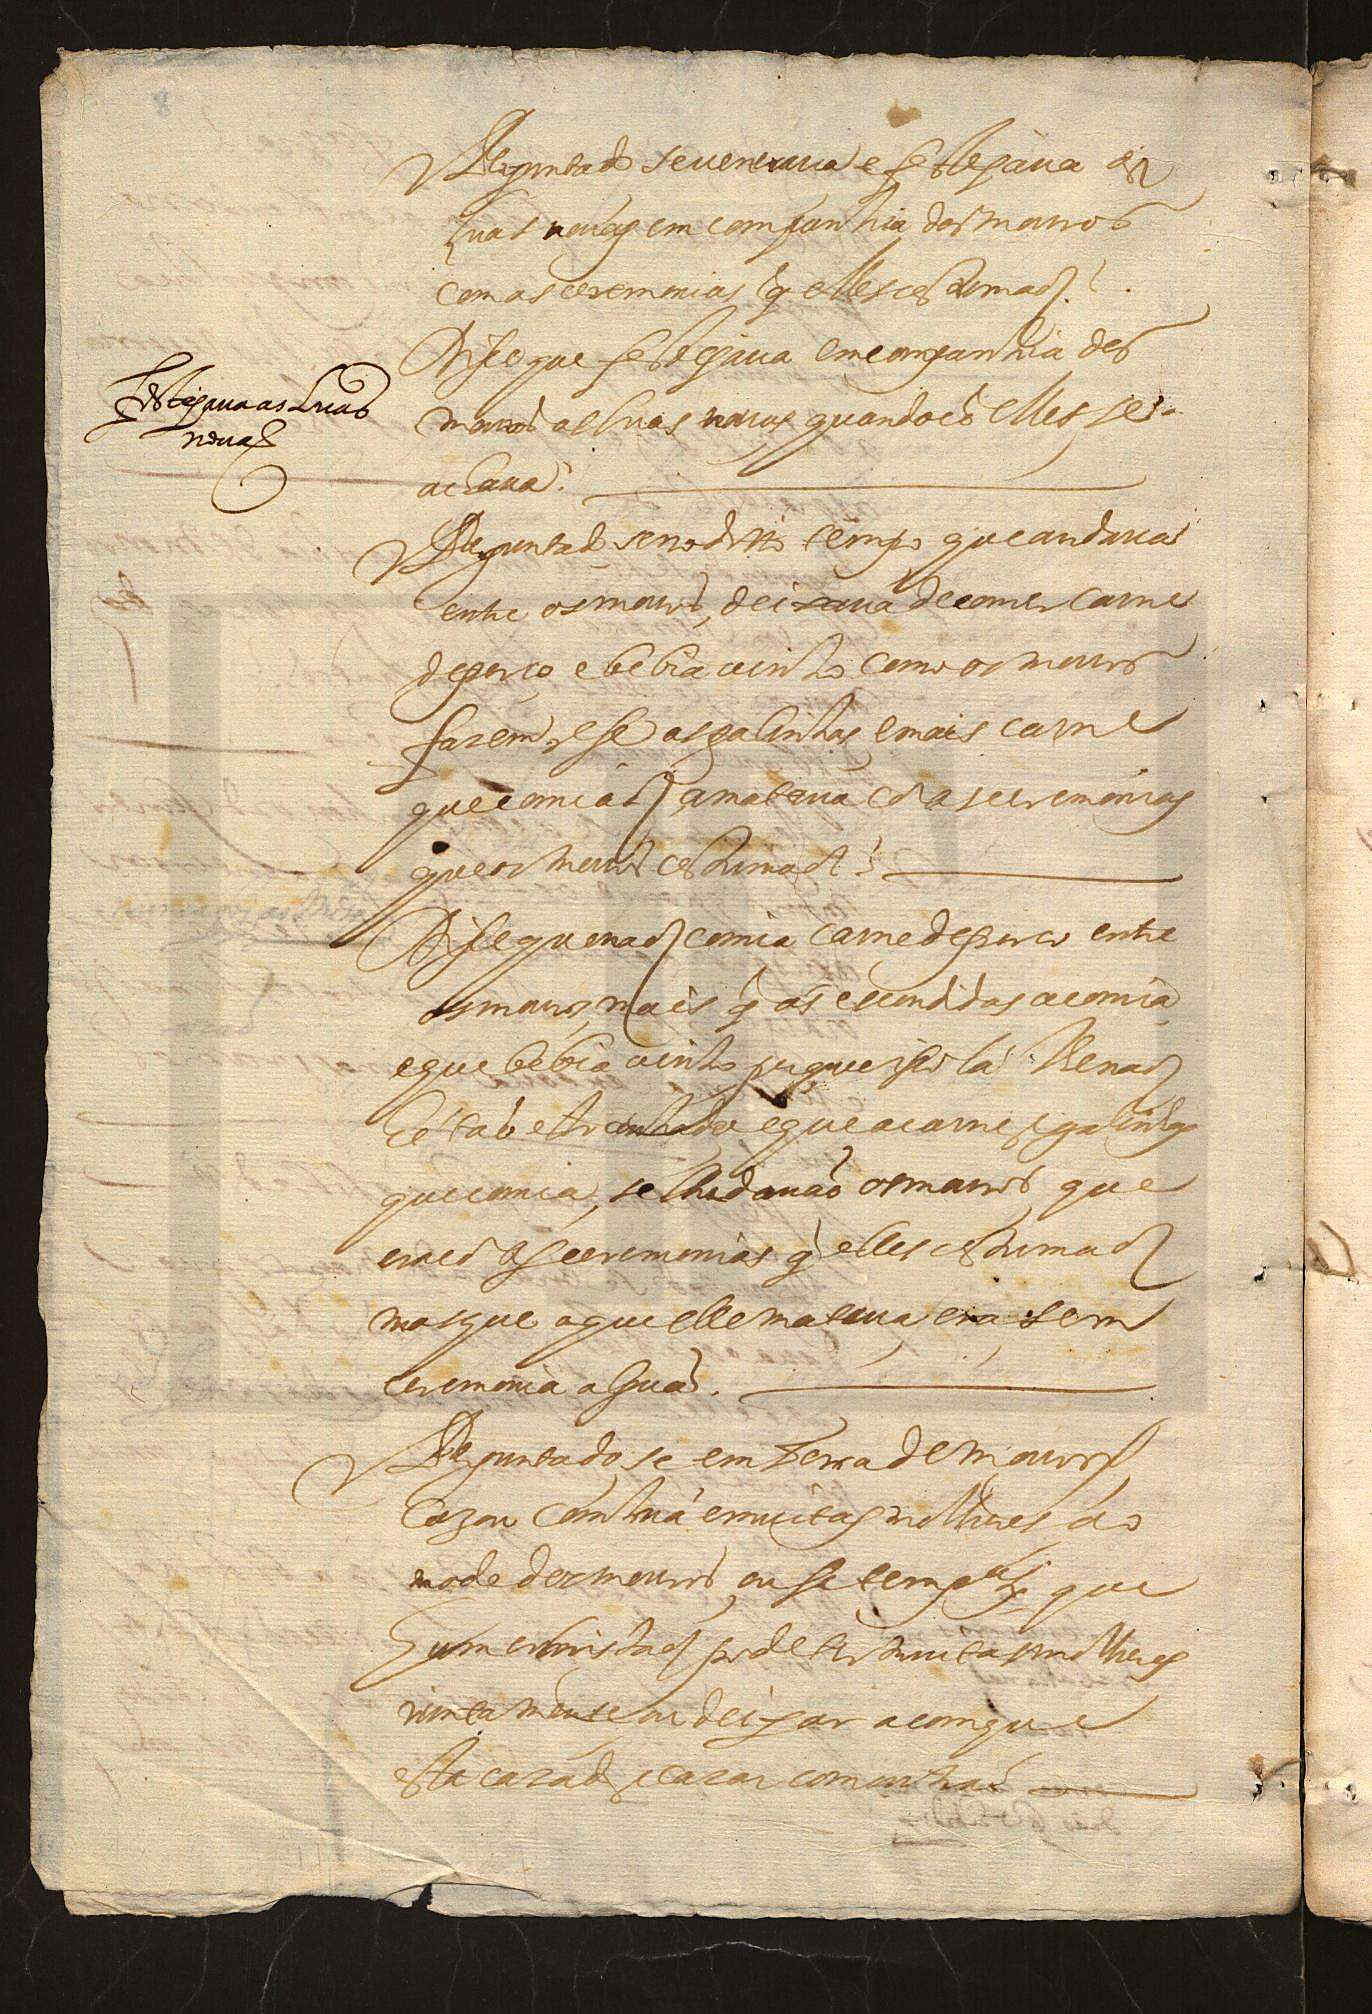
item Perguntado se ueneraua e festejaua as
Luas nouas em companhia dos mouros
com as ceremonias q̄ elles costumaõ?
Disse que festejaua em companhia dos
festejaua as Luas
mouros as luas nouas quando cō elles se
nouas
achaua.
item Preguntado se no ditto tempo que andaua
entre os mouros, deixaua de comer carne
de porco, e bebia uinho como os mouros
fazem, e se as galinhas e mais carne
que comiaõ a mataua cō as ceremonias
que os mouros costumaõ?
Disse que naõ comia carne de porco entre
os mouros mais q̄ ás escondidas a comia
e que bebia uinho porque isso lá lhe naõ
hé taõ estranhado e que a carne e galinhas
que comia, se lhe dauaõ os mouros que
era cō as ceremonias q̄ elles costumaõ
mas que a que elle mataua era sem
ceremonia alguā.
item Peguntado se em Terra de mouros
cazou com huā e muitas molheres ao
modo doz mouros, ou se tem pa sy que
hum christaõ pode ter muitas molheres
iuntamente ou deixar a com que
esta cazado e cazar com outra?
